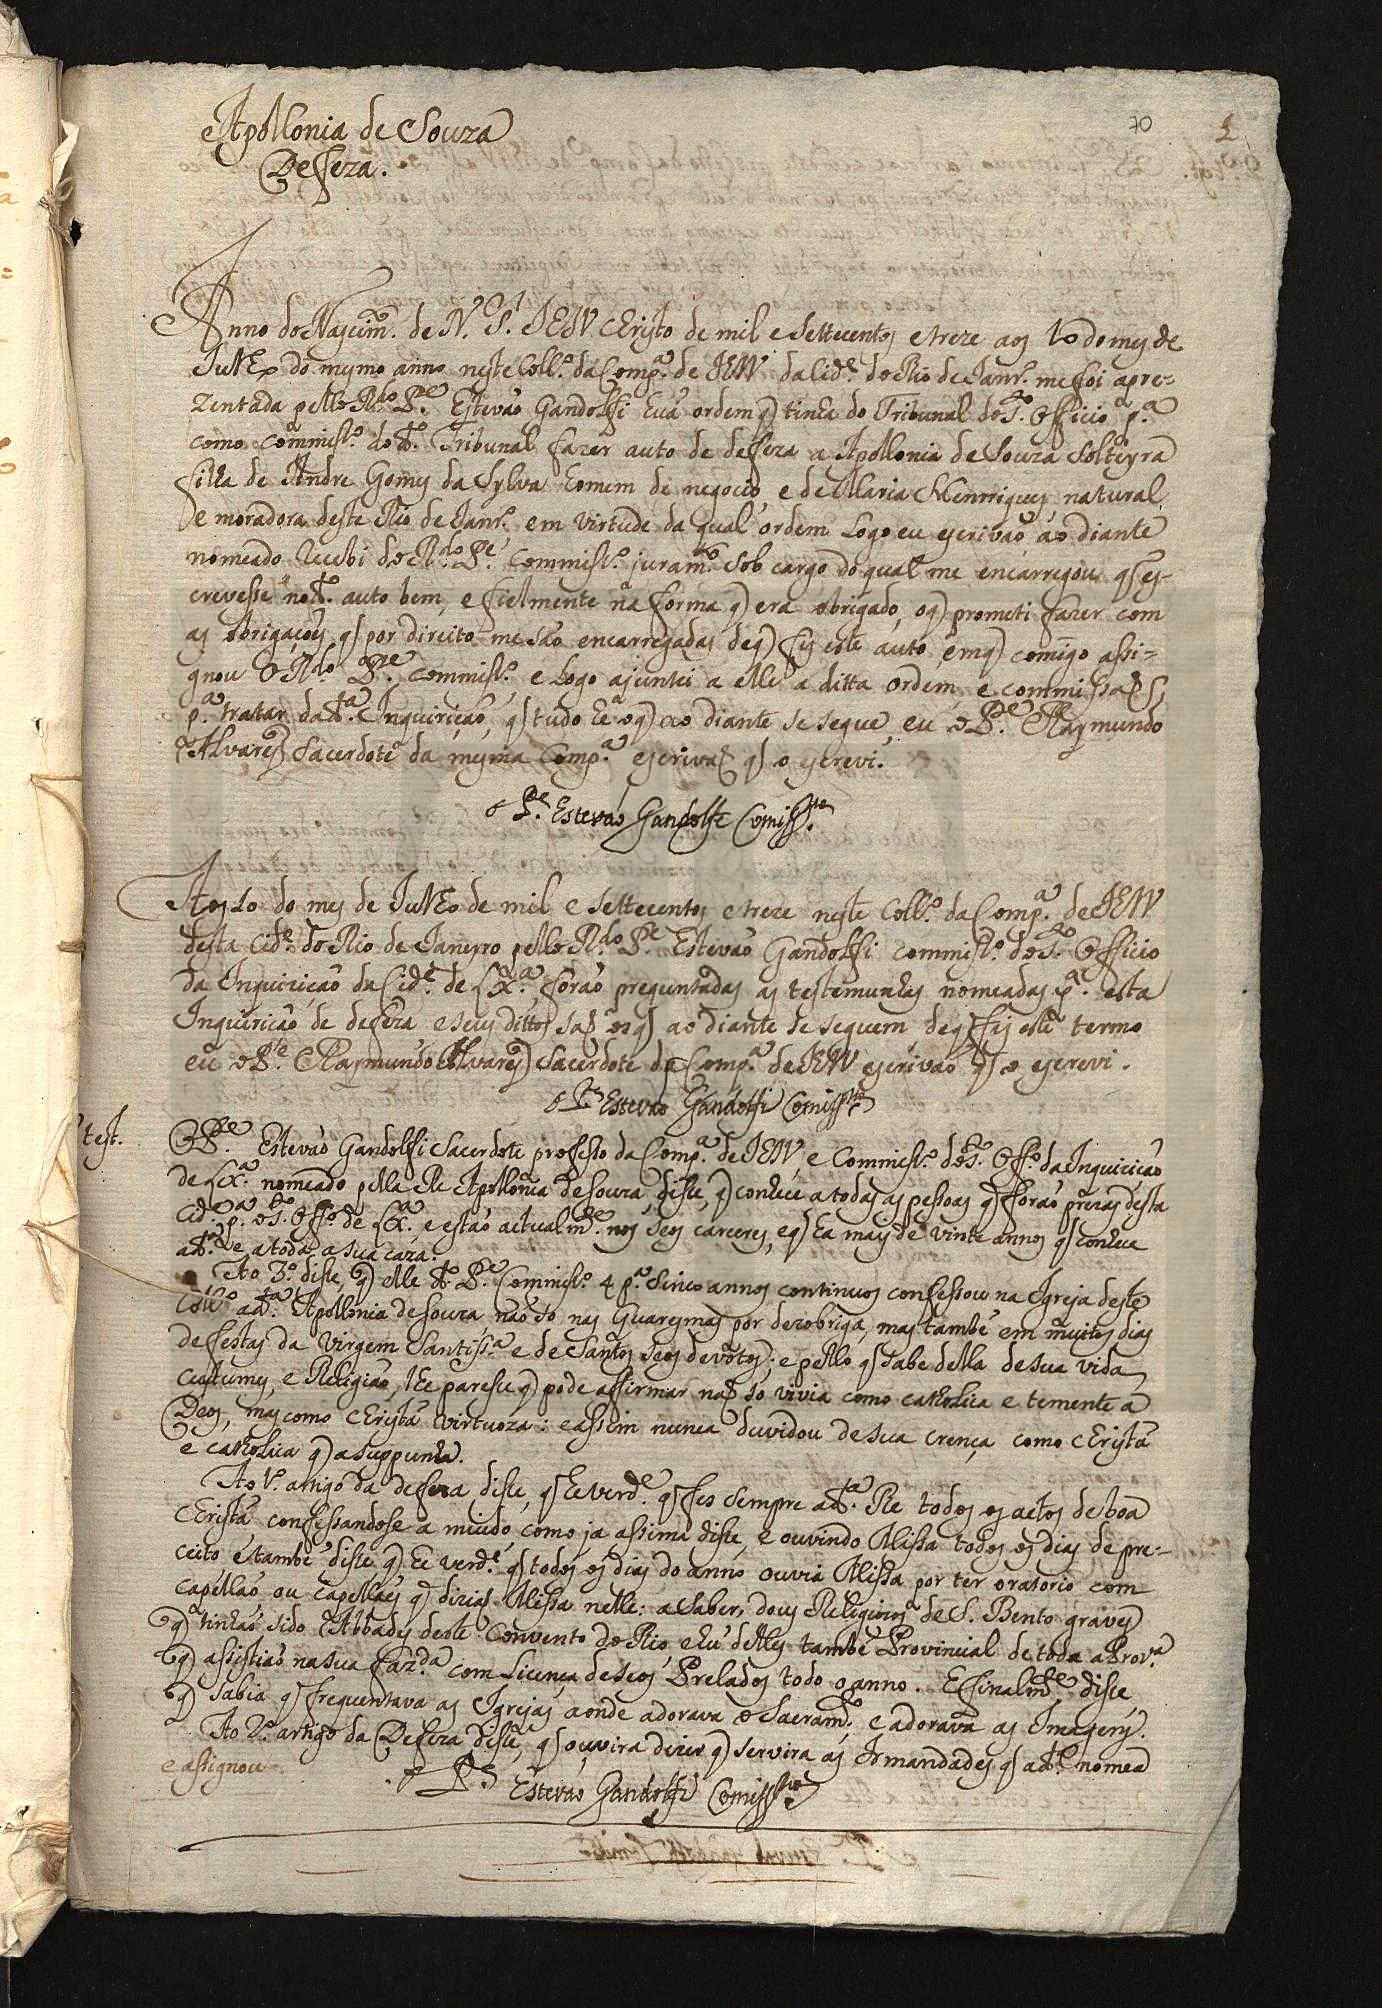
test.
Apollonia de Souza
Defeza.
Anno do Nascim.to de N. S.or IESV christo de mil e Settecentos e treze aos 10 do mes de
Iulho do mesmo anno neste Coll.o da Comp.a de JESV da Cid.e do Rio de Ianr.o me foi apre
zentada pello R.do P.e Estevaõ Gandolfi huā ordem q̄ tinha do Tribunal do s.to officio p.a
como commiss.o do d̄.o Tribunal fazer auto de defeza a Apollonia de Souza Solteyra
filha de Andre Gomes da Sylva homem de negocio, e de Maria Henrriques, natural
e moradora deste Rio de Ianr.o, em virtude da qual ordem Logo eu escrivaõ ao diante
nomeado Recebi do R.do P.e commiss.o juram.to sob cargo do qual me encarregou q̄ es
crevesse no d̄.o auto bem, e fielmente na forma q̄ era obrigado, o q̄ prometi fazer com
as obrigaçoẽs q̄ por direito me são encarregadas de q̄ fiz este auto, em q̄ comigo assi
gnou o R.do P.e commiss.o e Logo ajuntei a elle a ditta ordem, e commissaõ,
p.a tratar da d̄.a Inquiriçaõ, q̄ tudo hé o q̄ ao diante se segue, eu o P.e Raymundo
Alvares Sacerdote da mesma Comp.a escrivaõ q̄ o escrevi.
o P.e Estevaõ Gandolfe Comiss.ro
Aos 10 do mes de Iulho de mil e settecentos e treze neste Coll.o da Comp.a de IESV
desta cid̄.e do Rio de Ianeyro pello R.do P.e Estevaõ Gandolfi commisr.o do s.to Officio
da Inquiziçaõ da Cid.e de Lx.a, foraõ preguntadas as testemunhas nomeadas p.a esta
Inquirição de defeza, e seus dittos saõ os q̄ ao diante se seguem, de q̄ fis este termo
eu o P.e Raymundo Alvares Sacerdote da Camp.a de IESV escrivaõ q̄ o escrevi.
o Pe Estevaõ Gandolfi Comissro
O P.e Estevaõ Gandolfi Sacerdote professo da Comp.a de IESV, e Commiss.o do s.to Off.o da Inquizição
de Lix.a nomeado pella Re Apollonia de souza, disse, q̄ conhece a todas as pessoas q̄ foraõ prezas desta
cid.e p.a o s.to off.o de Lix.a, e estaõ actualm.te nos seos carceres, e q̄ ha mais de vinte annos q̄ conhece
a d̄.a e a toda a sua caza.
Ao 3.o disse, q̄ elle d̄.o P.e Commiss.o 4 p.a sinco annos continuos confessou na Igreja deste
Collo a d̄.a Apollonia de souza naõ só nas Quaresmas por dezobriga, mas tambē em muitos dias
de festas da virgem Santiss.a e de Santos seos devotos; e pello q̄ sabe della de sua vida
custumes, e Religiaõ, lhe paresse q̄ pode affirmar naõ so vivia como catholica e temente a
Deos, mas como christã virtuoza: e assim nunca duvidou de sua crença como christã
e catholica q̄ a suppunha.
Ao 1.o artigo da defeza disse, q̄ he verd.e q̄ fes sempre a d̄.a Re todos os actos de boa
christã confessandose a miudo, como ja assima disse, e ouvindo Missa todos os dias de pre
ceito, e tambē disse q̄ he verd.e q̄ todos os dias do anno ouvia Missa por ter oratorio com
capellaõ ou capellaẽs q̄ diziaõ Missa nelle: a Saber, dous Religiozos de S. Bento graves
q̄ tinhaõ sido Abbades deste Convento do Rio, e hū delles tambē Provincial de toda a Prov.a
q̄ assistiaõ na sua faz.da com Licença de seos Prelados todo o anno. E finalmte disse
q̄ sabia q̄ frequentava as Igrejas aonde adorava o Sacramto. e adorava as Imagens.
Ao 2.o artigo da Defeza disse, q̄ ouvira dizer q̄ servira ás Irmandades q̄ a d̄.a nomea
e assignou
O P.e Estevaõ Gandolfi Comiss.rio
